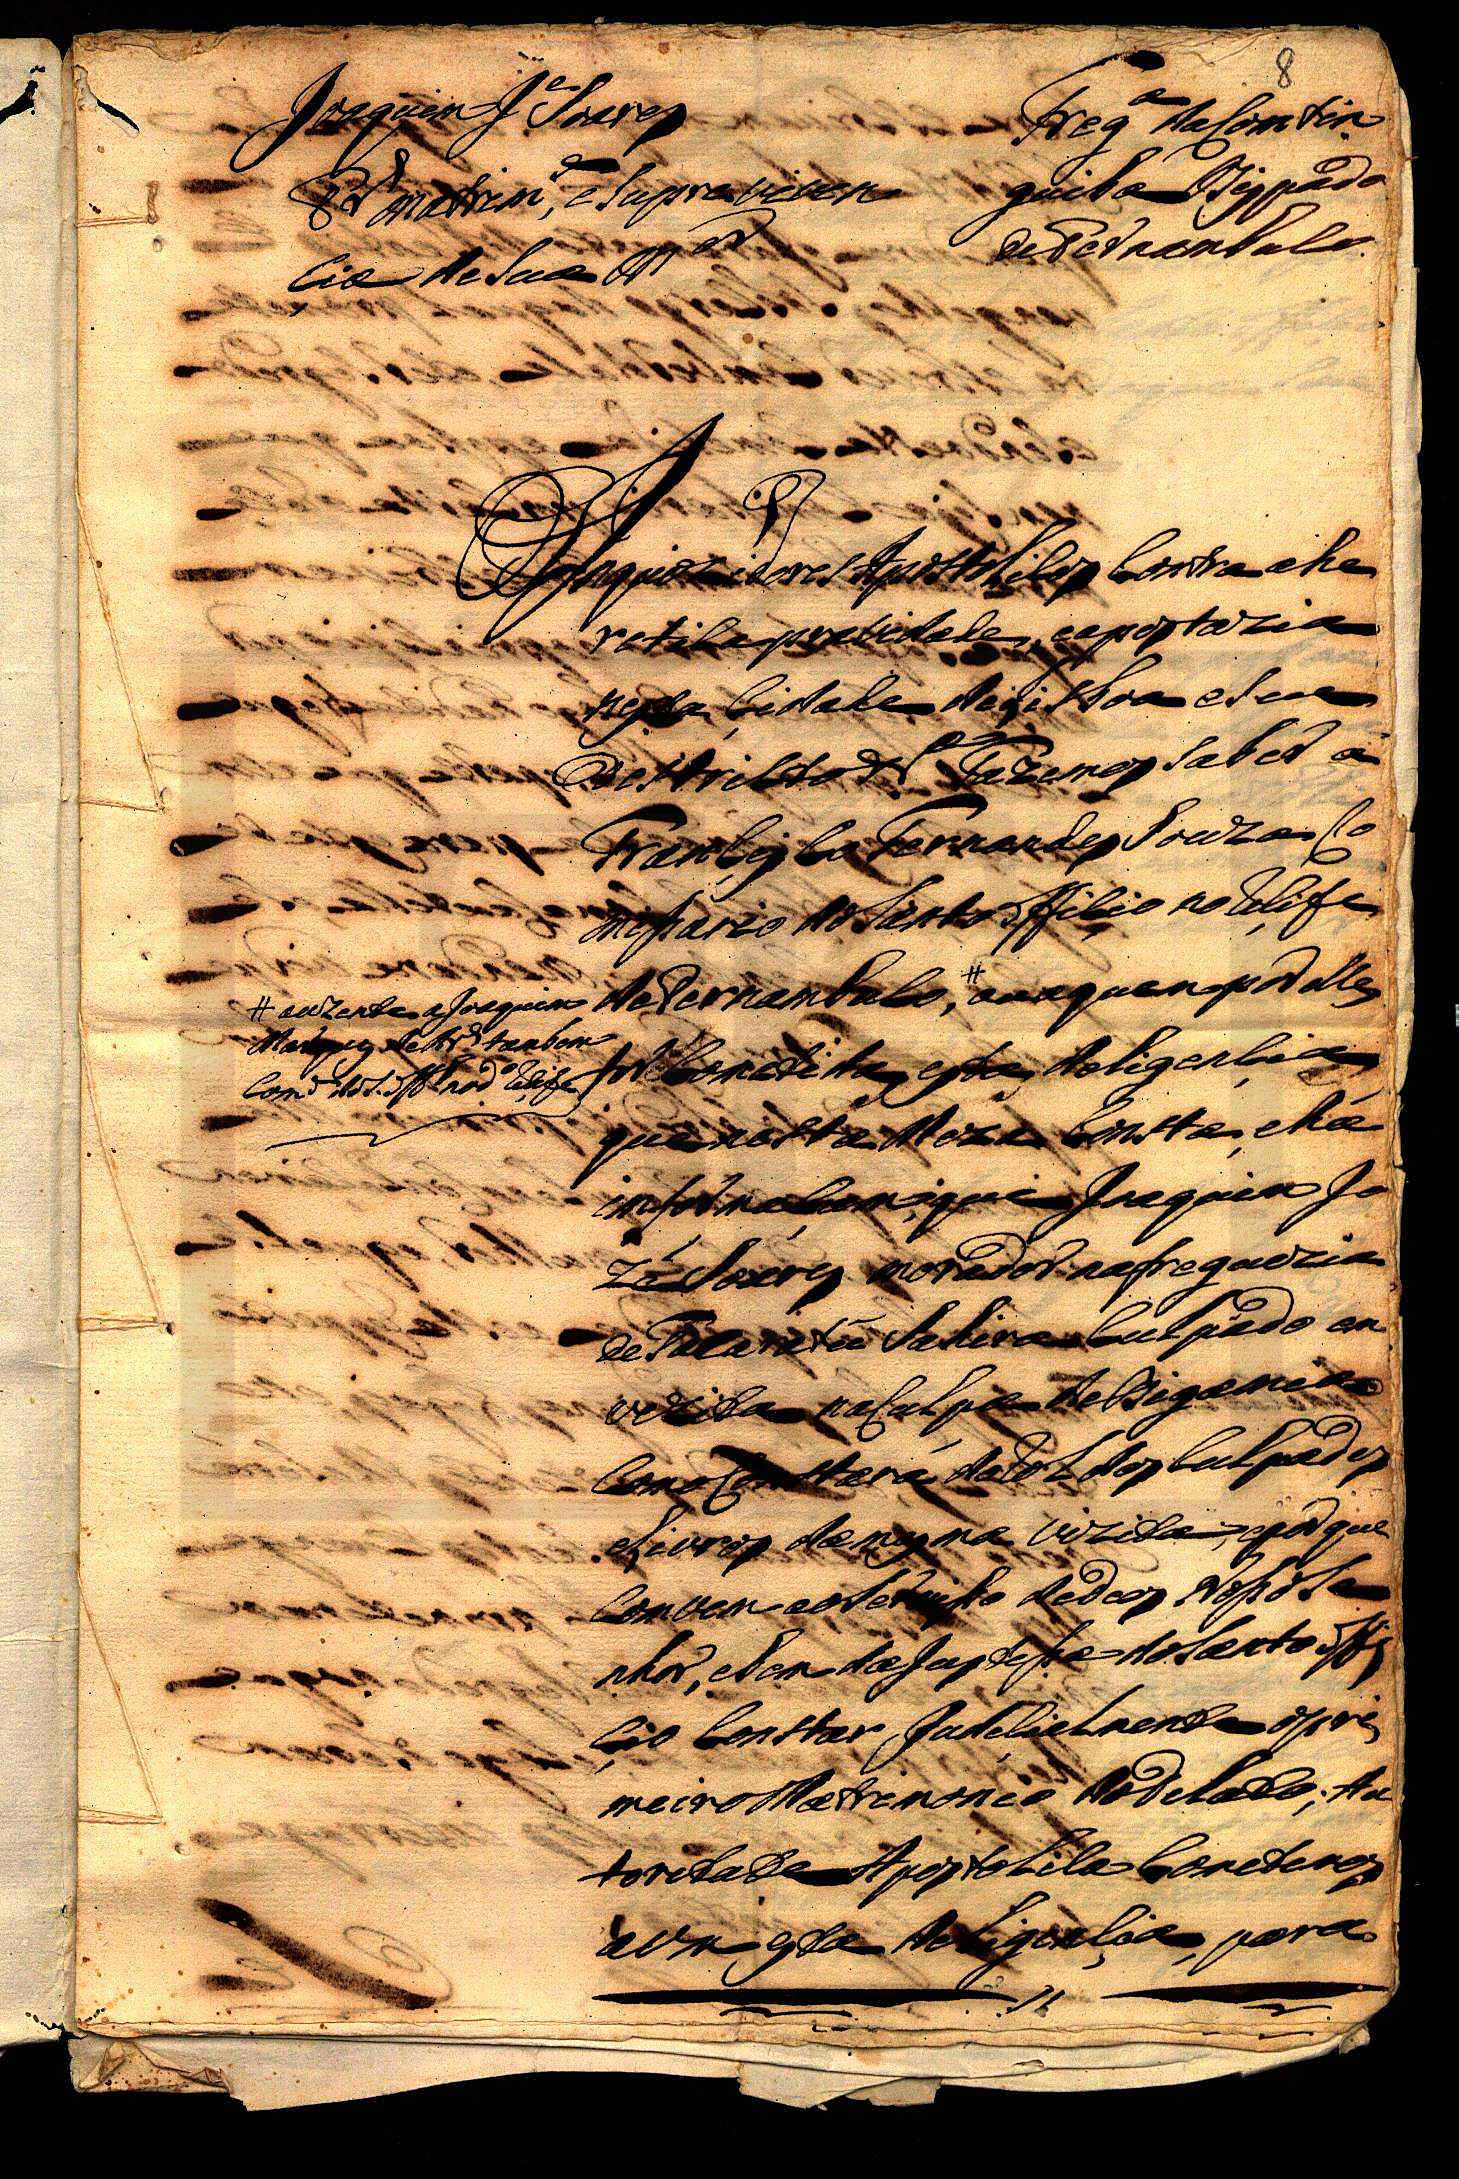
Joaquim J.e Soares
Freg.a da Comtin
guiba Bispado
Pr.o Matrimo, e Supreviven
de PernambuCo
Çia de Sua Mer
OS Jnquizidores ApostoLiCos Contra a he
retiCa pravidade, e apostazia
nesta Çidade de Lisboa e seu
destriCto &ra Fazemos saber a
FranÇisCo Fernandes Souza Co
missario do Santo offiçio no ReÇife
de PernambuCo, #ou a quem por elle
# auZente a Joaquim
Marques de Ar.o tambem
Como do s. offo no d.o ReÇife
for Cometida esta deligenÇia
que nesta Meza Consta, e há
imformaÇam, que Joaquim Jo
zé Soares morador na freguezia
de TaCaratée Sahira CuLpado em
vizita na Culpa de Bigamia
Como Co_stará do Rol dos CuLpados
e Livros da mesma vizita, e por que
Comvem ao Servisso de Deos Nosso Se
nhor, e bem da Justissa do Santo offi
Çio Constar JudeÇiaLmente o pri
meiro Matrimonio do DeLato, Au
toritate ApostoLiCa CoMetera
a vm esta DeLigenÇia, para
